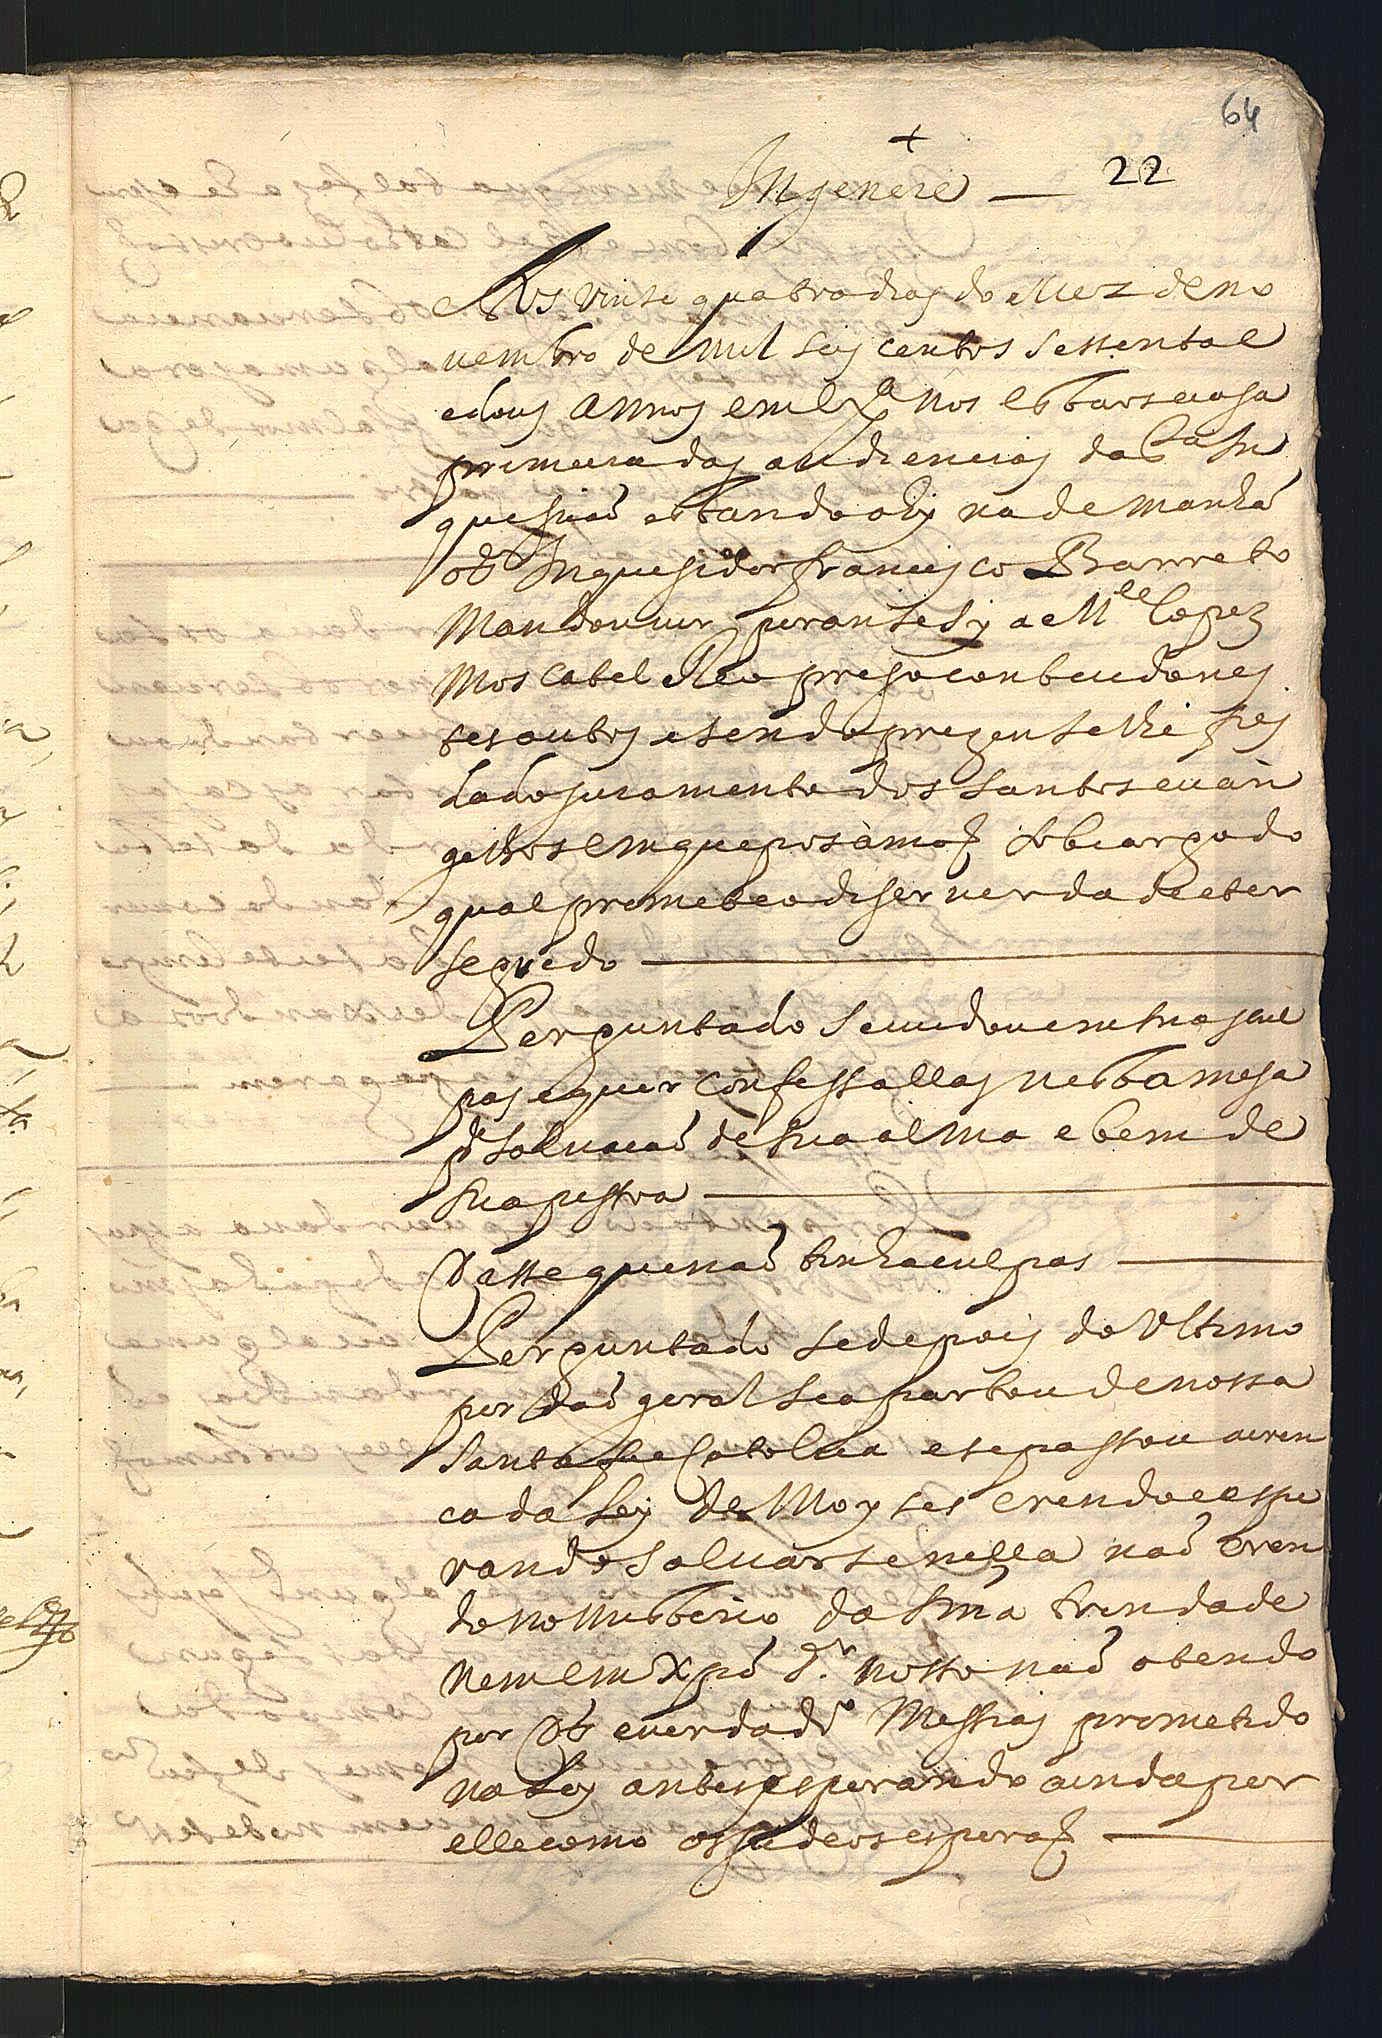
In genere
Aos vinte quatro dias do Mez de no
uembro de mil seiscentos sessenta e
e dous annos em lxa nos estaos e casa
primeira das audiencias da sta In
quesicaõ estando ahy na de manhā
o sor Inquesidor francisco Barreto
Mandou uir perante sy a Mel lopez
Moscatel Reo preso conteudo nes
tes autos e sendo prezente lhe foj
dado juramento dos santos euan
gelhos em que pos a maõ sob cargo do
qual prometeo dizer uerdade e ter
segredo
Perguntado se cuidou em suas cul
pas e quer confessallas nesta mesa
pa saluacaõ de sua alma e bem de
sua pessoa
Disse que naõ tinha culpas
Perguntado se depois do Vltimo
perdaõ geral se apartou de nossa
Santa fee Catolica e se passou a cren
ca da Ley de Moyses crendo e espe
rando saluarse nella naõ cren
do no misterio da smā trindade
nem em xpō sor. nosso naõ o tendo
por Ds̄ e uerdadro Messias prometido
na Ley antes esperando ainda per
ele como os Judeos esperaõ
